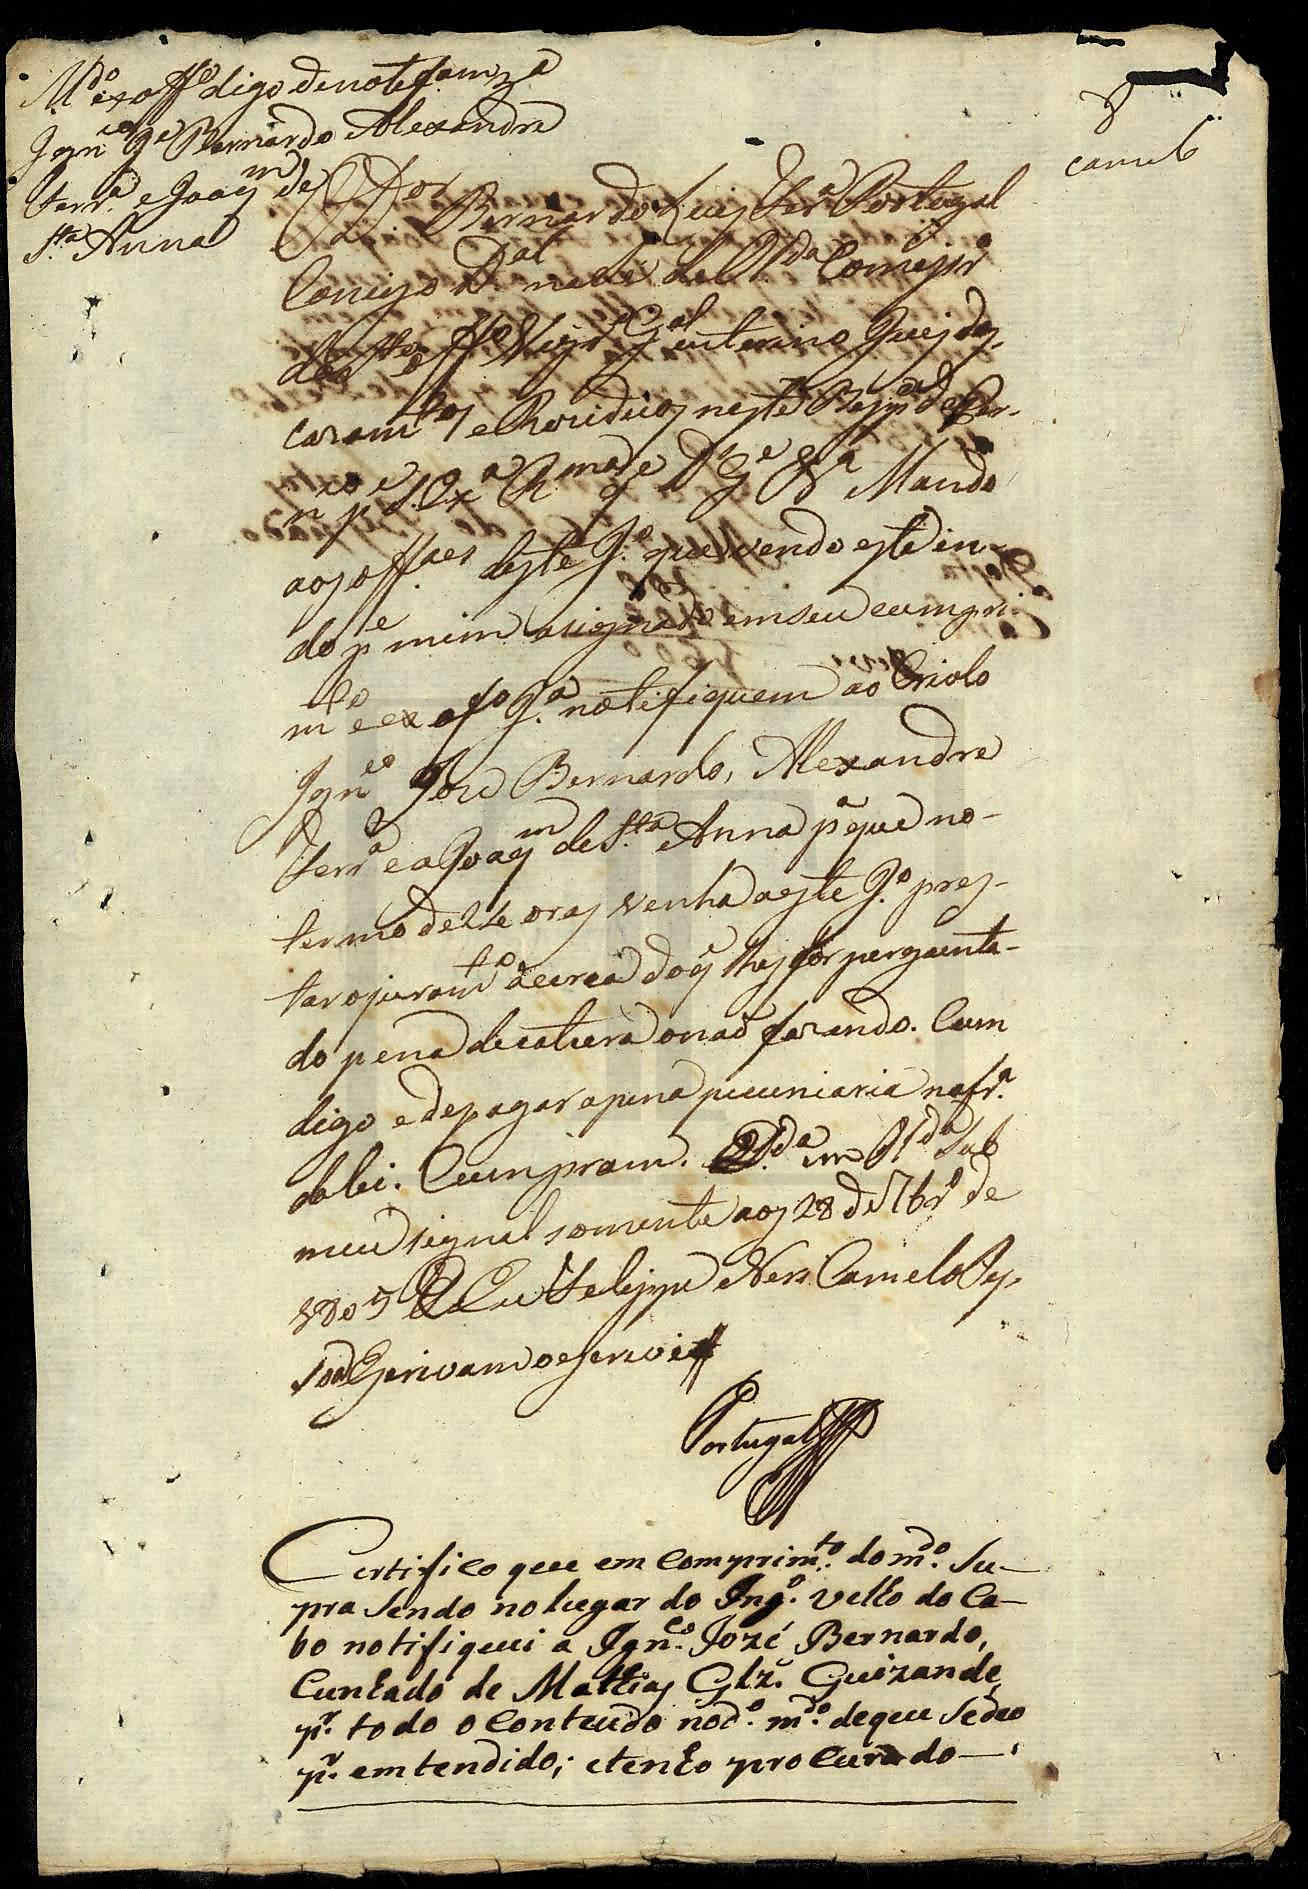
M.do ex off.o digo denote f.am za
Grn.co Ge Bernardo Alexandre
Ferr.a e Joaq.m de
O D.or Bernardo Luis Fer.a Portugal
S.ta Anna
Conigo D.al na Sé de Ol.da Comissr.o
do Sto off.o Vigr.o G.al enterino Juis dos,
cazam.tos e Reziduos neste Besp.o de Per
n.co p.e S. Ox.a R.ma e D.s G.e V.a Mando
aos off.aes deste G.e que vendo este in
do p.e mim asignado em seu cumpri
m.to e ex of.o G.a notifiquem ao Criolo
Jgn.eo Joze Bernardo, Alexandre
Ferr.a e a Joaq.m de S.ta Anna p.a que no
termo de 24 oras venha a este G.e pres
tar o juram.to de crea do q̄ lhes for pergunta
do pena de catura o naõ fazendo. Cum
digo e de pagar a pena pecuniaria na fr.a
da lei: Cumpram. _.da em Ol.da sub
meu signal somente aos 28 de 7br.o de
1805 E Eu Felippe Neri Camelo Pes
soa Escrivam o escrevi
Portugal
Certifico que em comprim.to do m.do Su
pra sendo no Lugar do Inq.o velho do Ca
bo notifiquei a Ign.co Iozé Bernardo,
Cunhado de Mathias Glz.o Guizande
p.r todo o conteudo no d.o m.do de que se deo
p.r emtendido; e tenho procurado
camelo
